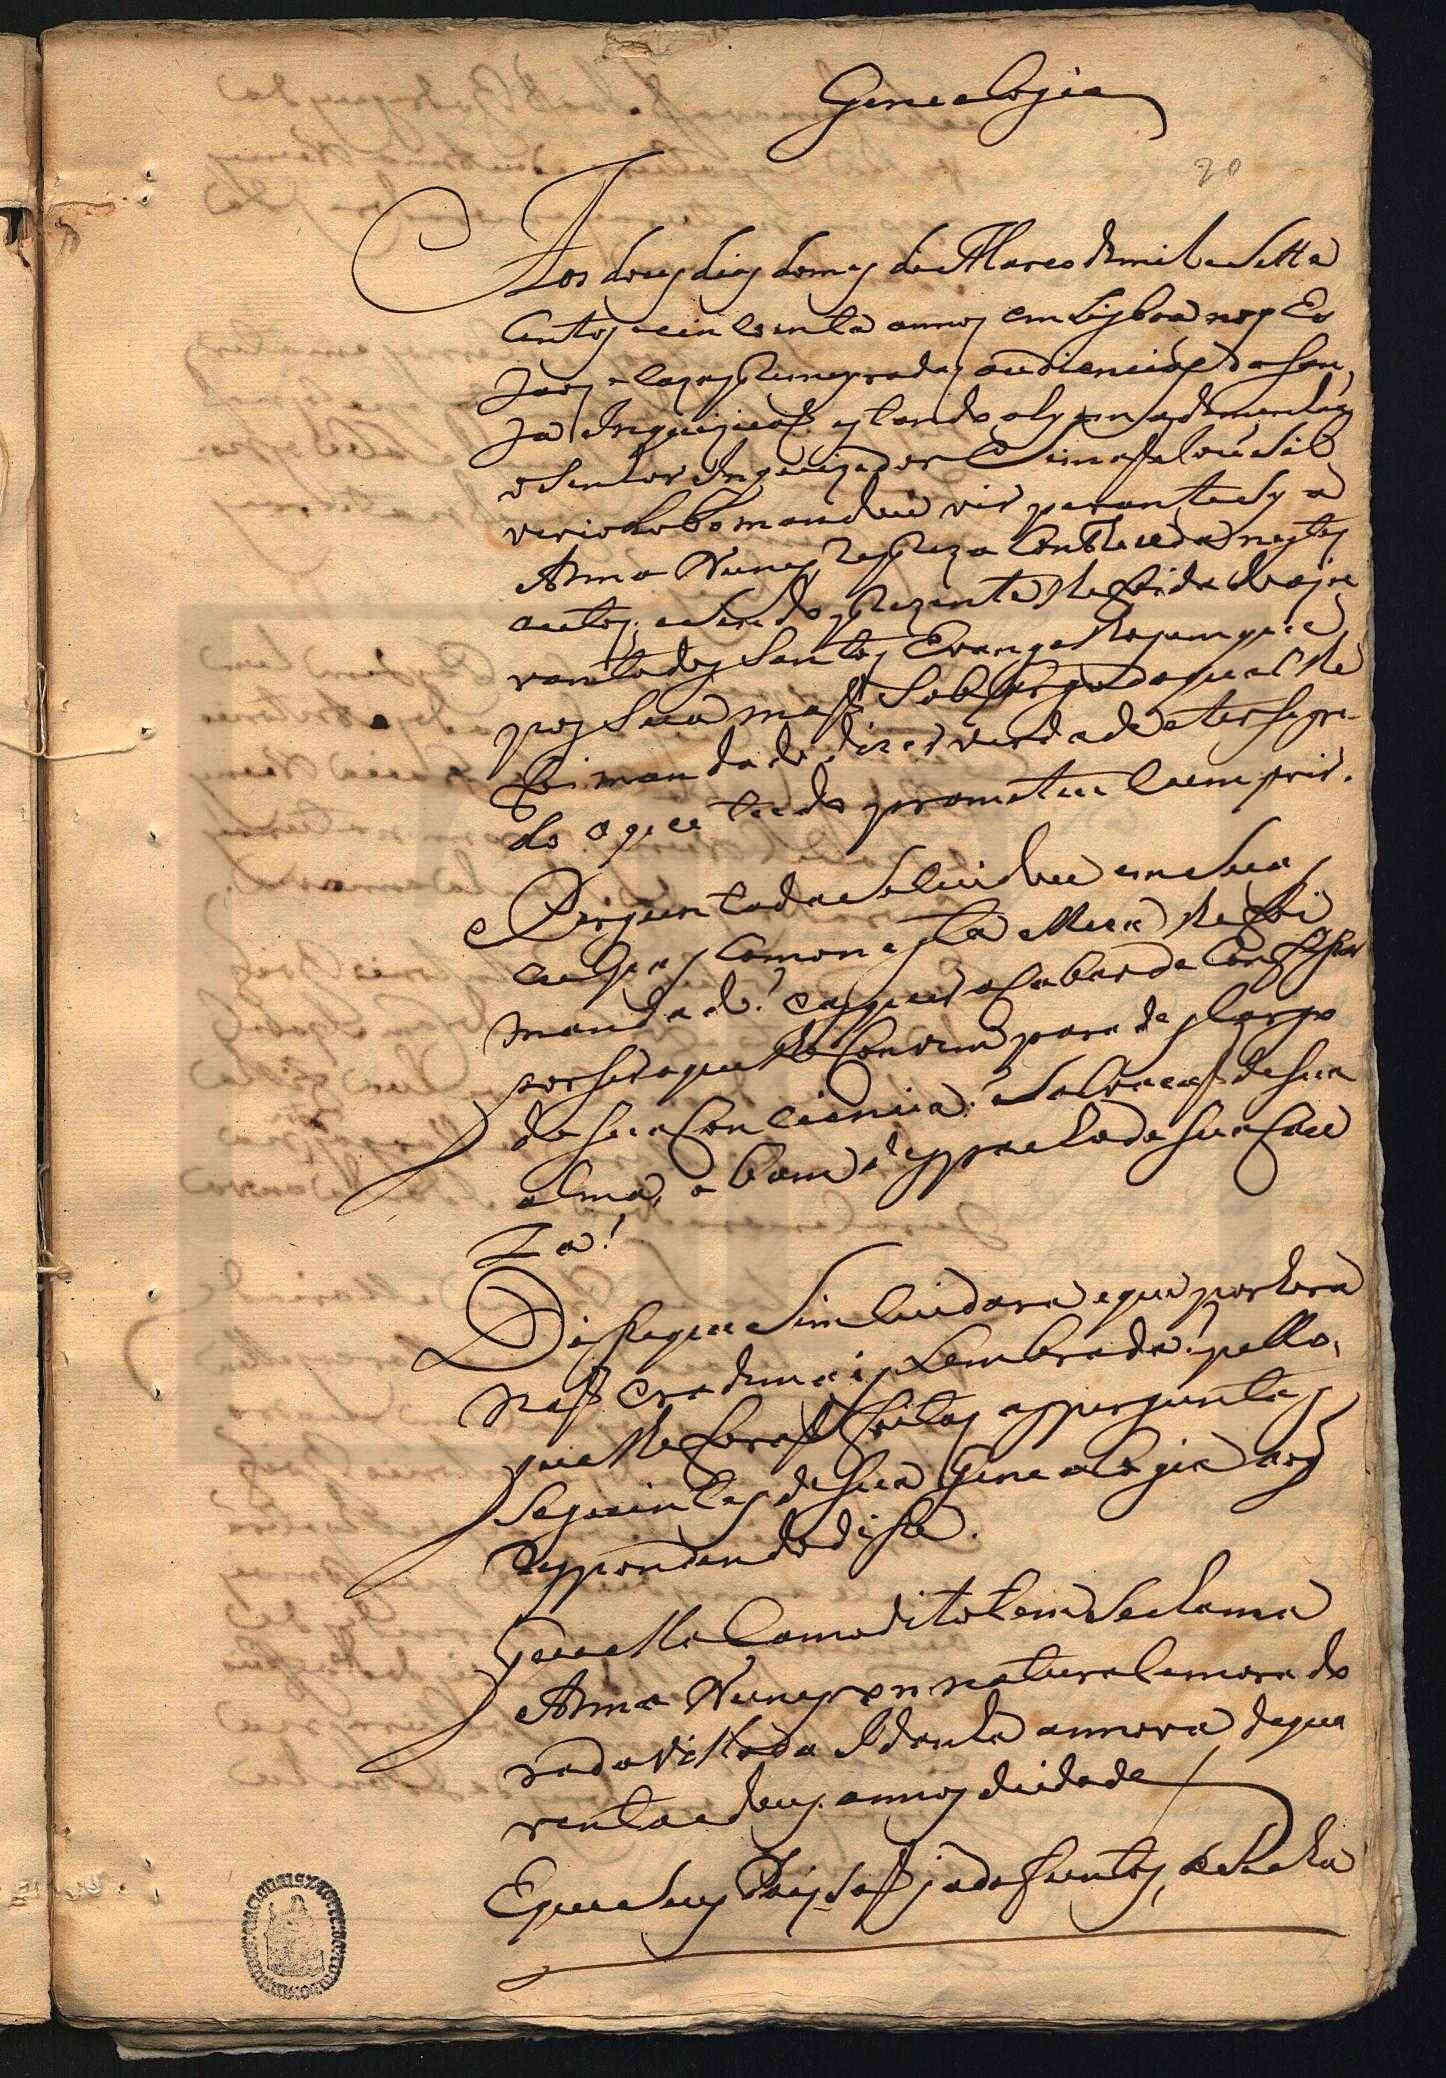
Genealogia
Aos dous dias do mes de Marco de mil Sette
Centos e cincoenta annos em Lisboa nos Es
taos e Caza pRimeyra das audiencias da san
ta Inquiziçaõ estando ahy em a de manhaã
o Senhor Inquizidor Simaõ Iozé Sil
verio Lobo mandou vir perante sy a
Anna Nunes, Re pReza Contheuda nestes
autos; e sendo pRezente lhe foi dado ju
ramento dos Santos Evangelhos em que
pos Sua maõ Sob Cargo do qual lhe
foi mandado dizer verdade e ter segre
do o que tudo prometeu Cumprir.
e Perguntado Se Cuidou em Suas
culpas Como nesta Meza lhe foi
mandado; e as quer aCabar de confessar
por ser o que lhe Convem para descargo
de sua Conciencia. Salvacaõ de sua
alma e bom despacho de sua Cau
Za?
Disse que Sim Cuidara, e que por hora
naõ era de mais Lembrada pello,
que lhe foraõ feitas as perguntas
seguintes de sua Genealogia ao q̄
Respondendo disse.
Que ella Como dito tem Se chama
Anna Nunes x n natural e morado
ra da Villa da Idanha a nnova de qua
renta e dous annos de idade
E que seus Pais saõ ja defuntos, e se cha
